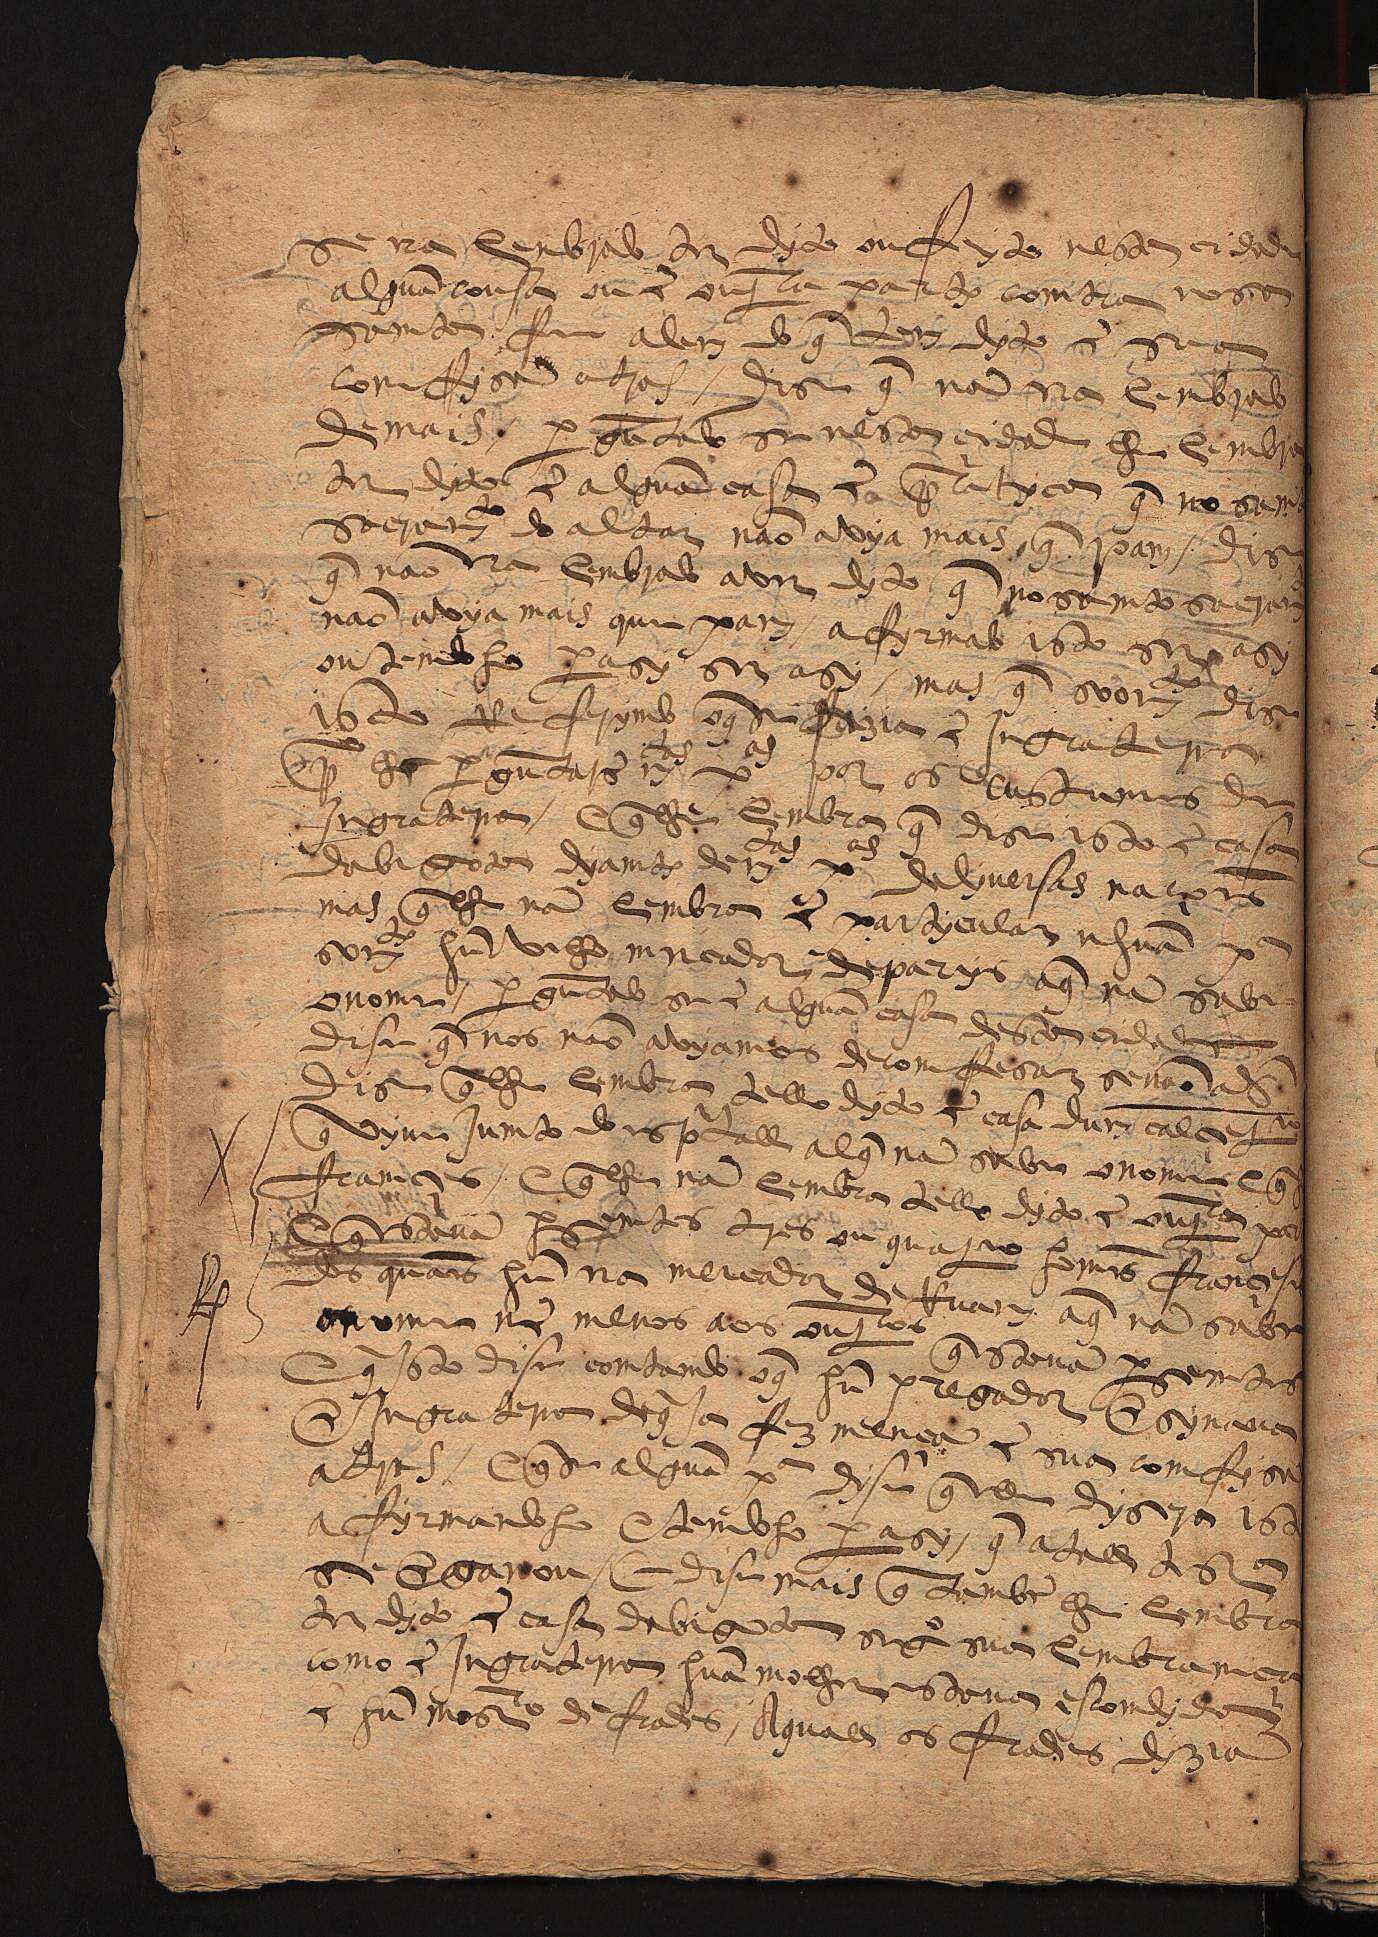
se era lembrado ter dyto ou feyto nesta cidade
algūa cousa ou ē outra partꝭ comtra nosa
samta fee alem do q̅ tem dyto e̅ sua
comfysā atras / dise q̄ nā era lembrado
de mais / ꝑgu̅tado se nesta cidade lhe lembra
ter dyto e̅ algu̅a casa e̅ pratyca q̅ no sam
sacramto do altar não avya mais, q̅ pam /. dise
q̄ não era lembrado aver dyto q̄ no samto sacram
não avya mais que pam / afyrmado isto ser asy
ou temdo ho ꝑa sy ser asy / mas q̅ soomte dise
isto Referymdo o q̅ se fazia e̅ Jngraterra
p̄o lhe ꝑgūtarē mtas pas por os custumes de
Jngraterra / e q̄ lhe lembra q̄ dise isto ē casa
dabegota dyamte de mtas pas de dyuersas naçoēs
mas q̅ lhe na̅ lembra e̅ partycular nhu̅a pa
somtꝭ hu̅ velho mercador de parys a q̅ nā sabe
o nome / ꝑḡutado se ē algūa casa desta cidade
dise q̅ nos não avyamos de comfesar senão a ds̄
dise q̅ lhe lembra tello dyto ē casa dum calcetro
q̄ vyue Jumto do esp̅tall al q̄ nā sabe o nome e q̅
framces / e q̅ lhe na̅ lembra tello dyto e̅ outra par
E q̄ estauā ꝑsemtes tres ou quatro homēs franceses
dos quāes hu̅ era mercador de Ruam a q̅ na̅ sabe
o nome ne̅ menos aos outros q̅ estauā ꝑsemtes
e q̅ Jsto dise comtamdo o q̄ hū pregador ēsynaua
ē Jngraterra de q̄ Ja fez mençā e̅ sua comfisa
atras / e q̅ se algūa pa dyse q̄ elle dysera ist
afyrmandoho e temdoho ꝑa sy / q̅ a tall testa
se ēganou / E dise mais q̅ tambē lhe lembra
ter dyto e̅ casa dabigota sego sua lembramça
como e̅ Jngraterra hu̅a molher estaua escomdyda
ē hū mostro de frades / A quall os frades dyziā
